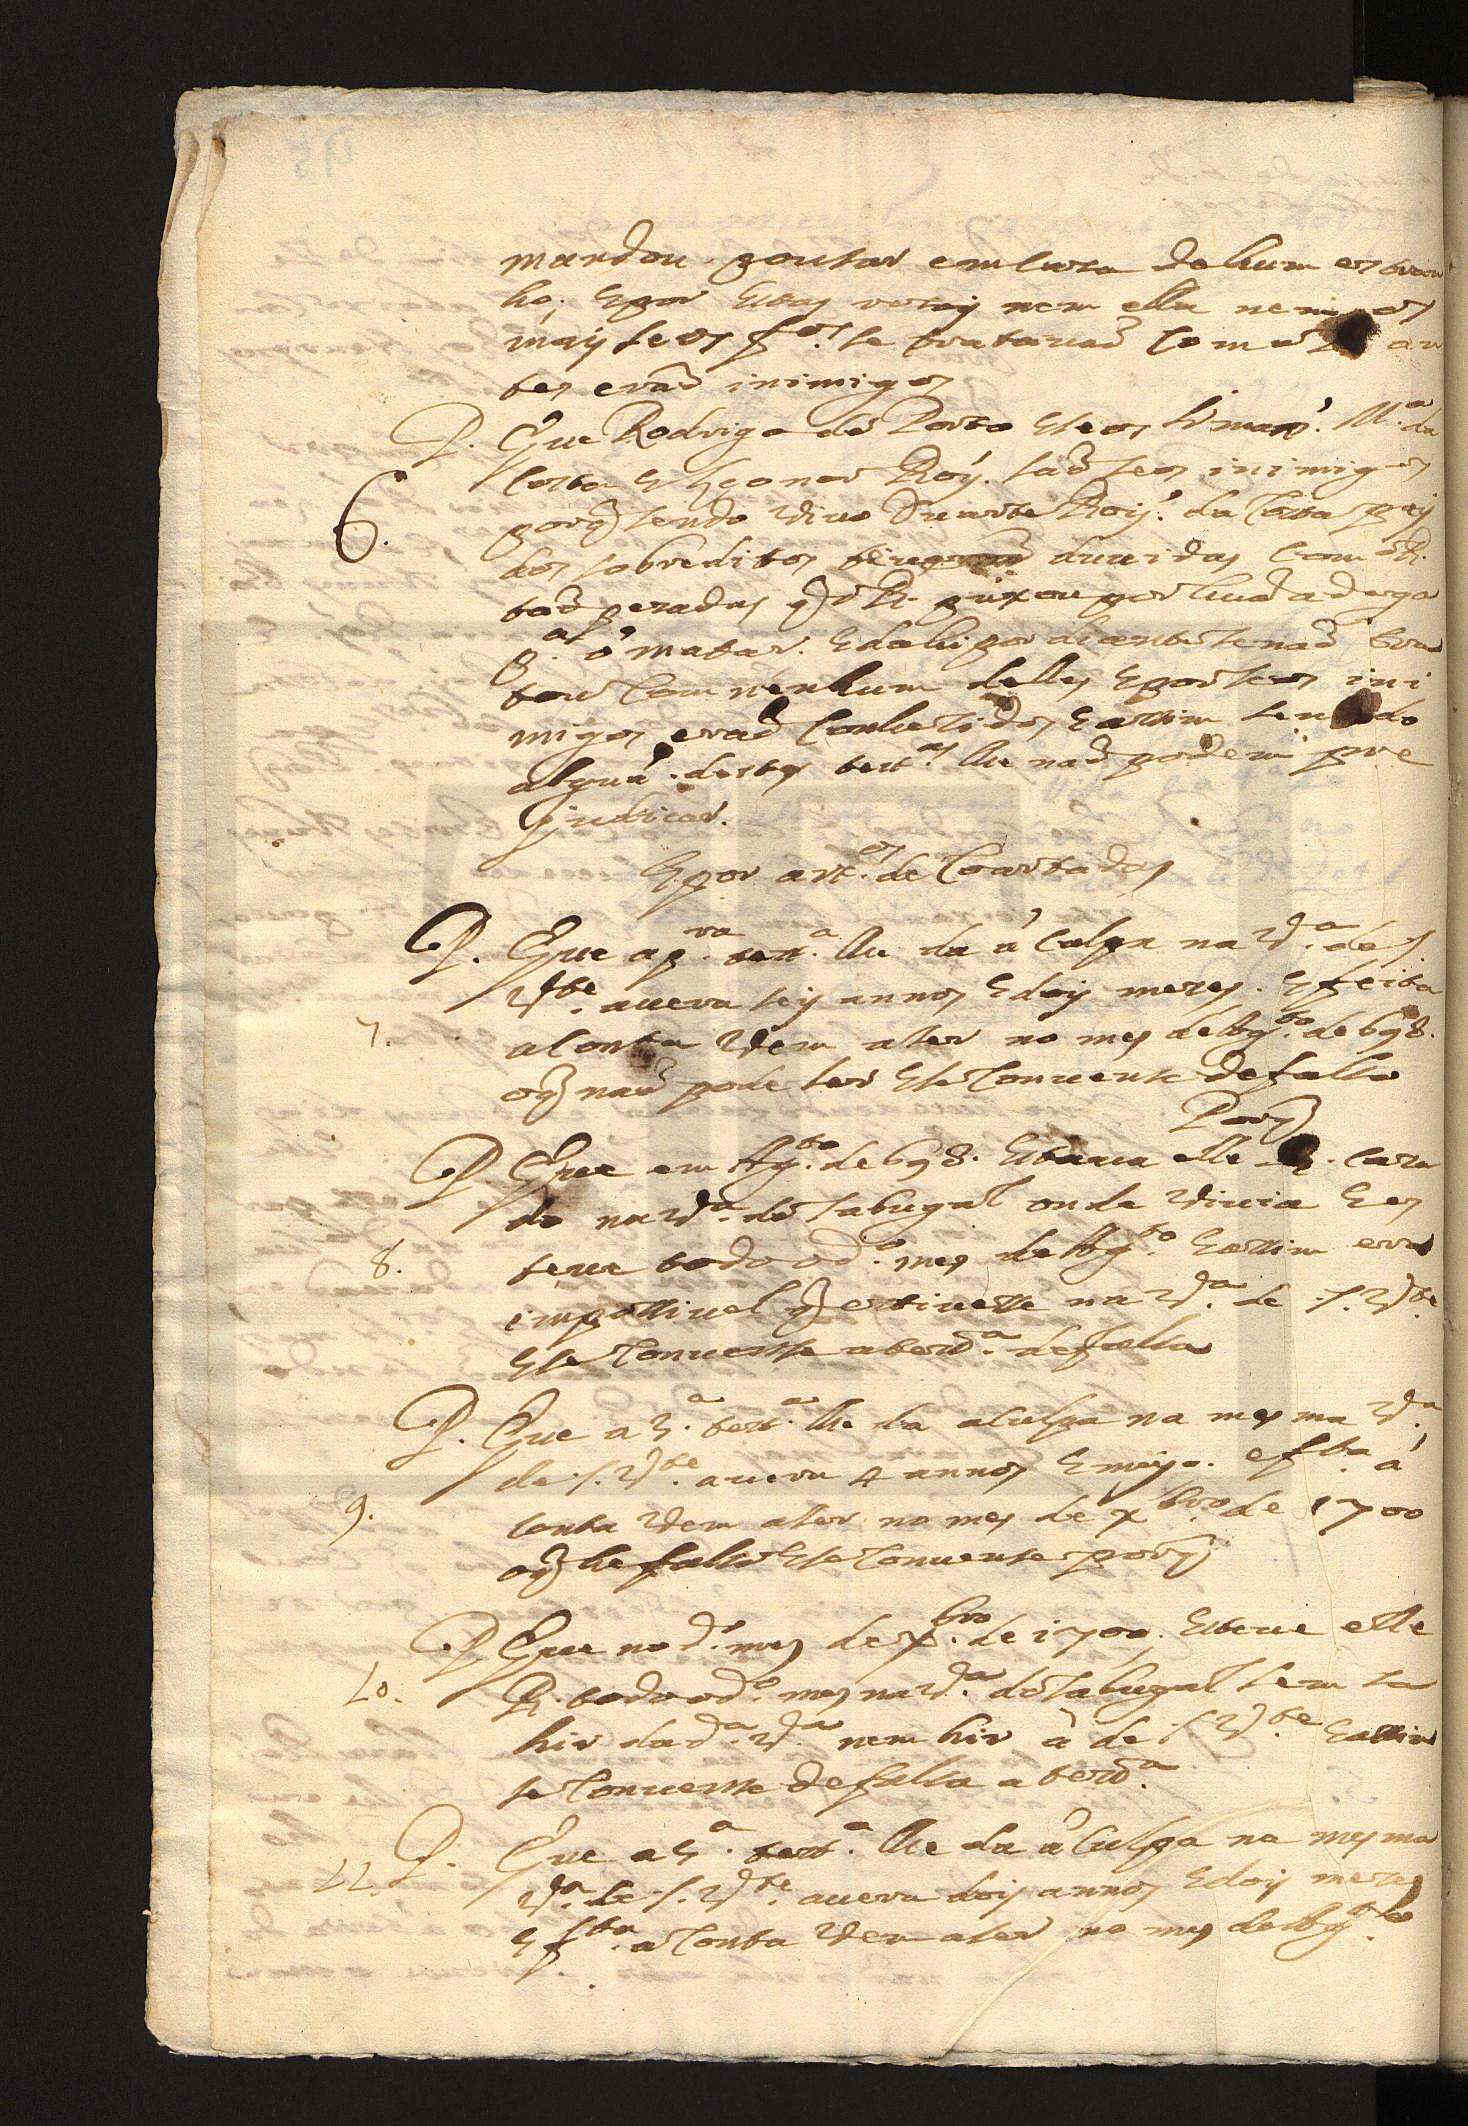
6.
9.
10.
11.
7.
8.
mandou pousar em caza do
ho; E por Estas vezas nem ella nem os
mais seos f.os se tratauaõ com ele an
tes eraõ inimigos
P. Que Rodrigo do Porto, e seos Irmaõs. M.a da
Costa E Leonor Roīs. saõ seos inimigos
porq̄ sendo viuo Duarte Rois̄. da Costa pay
dos sobreditos teu
duuidas com o R.
taõ pezadas q̄ o R. puxou por huā adaga
p.a o matar. E dali por diante se naõ tra
tou Com nenhum delles E por seos ini
migos eraõ Conhecidos E assim sen_do
alguā destas testas lhe naõ podem pre
judicar.
E por art.os de Coartadas
P. Que a p.ra test.a Ree da á culpa na V.a de s.
V.te auera seis annos E dois mezes. E feita
a Conta Vem a ter no mes de Ag.o de 698.
o q̄ naõ pode ser E se Conuense de falso
Porq̄
P. Que em Ag.o de 698. Estaua elle R. caza
do na V.a do sabugal onde viuia E es
teue todo o d.o mes de Ag.do E assim era
impossiuel q̄ estiuese na V.a de s. V.te
Ele Conuense a test.a de falsa
P Que a 3.a test.a lhe da a culpa na mesma V.a,
de S. V.te auera 4 annos E meyo. e ft.a a
conta Vem a ter no mes de xbro de 1700
o q̄ lhe falla E se conuense porq̄
P. Que no d.o mes de x.ro de i700. Esteue elle
R. todo o d.o mes na V.a do sabugal sem la
hir da da V.a nem hir á de S. V.te E assim
se Conuense de falsa a test.a
P. Que a 5a. test.a lhe da á Culpa na mesma
V.a de S. V.te auera dois annos E dois mezes
E fta. a Conta Vem a ser no mes de Ag.to
